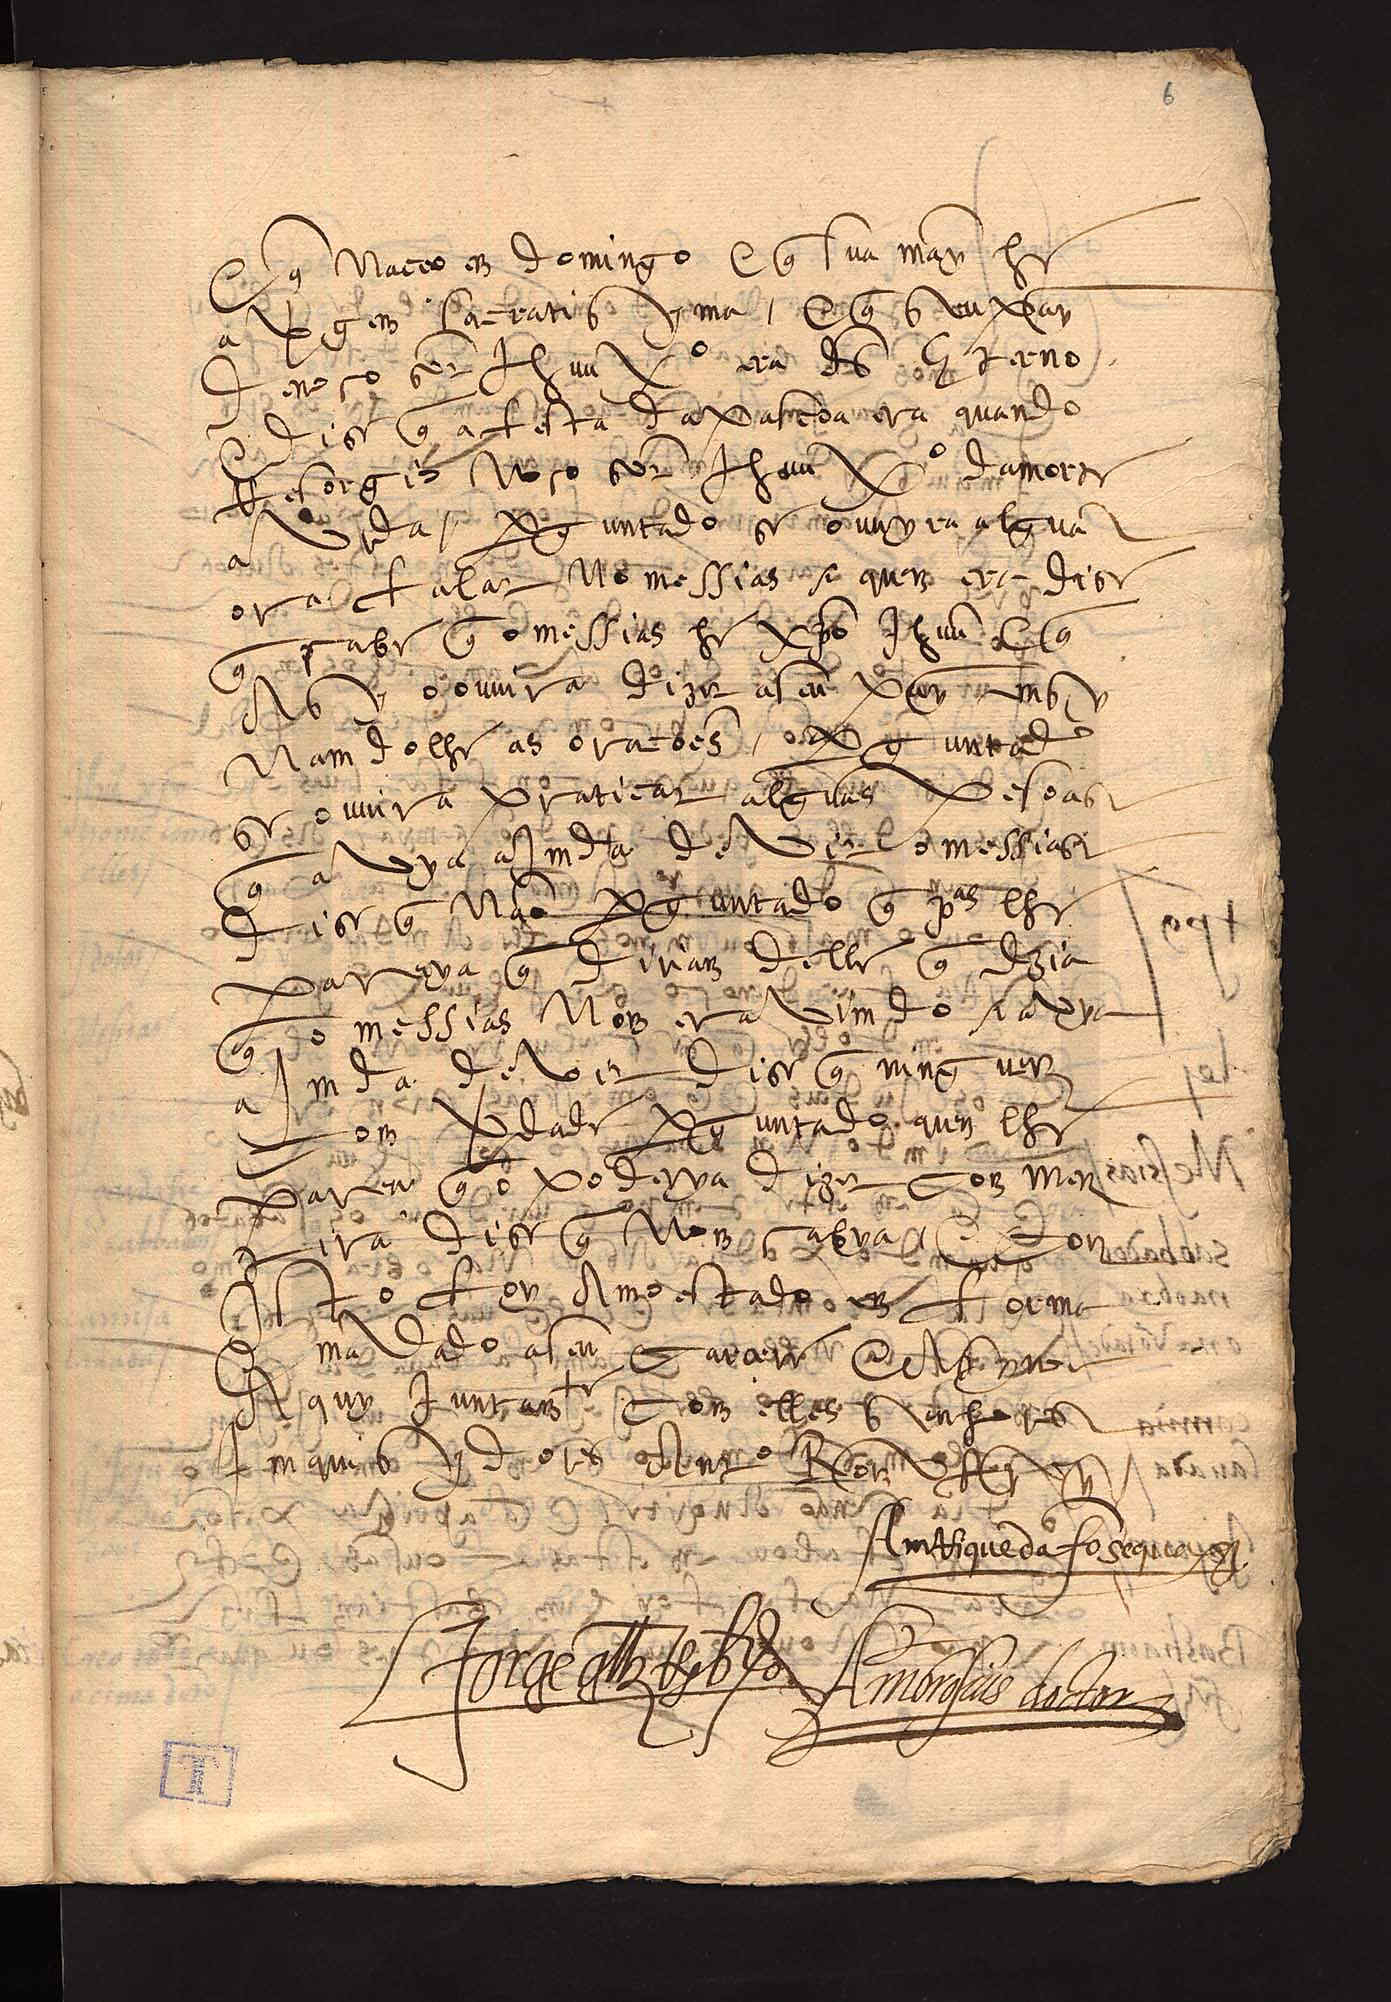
e q̄ naceo em domingo e q̄ sua maȳ he
a Ꝟgem sacratisyma / e q̅ seu pay
de noso so̅r Jhuu Xo era d̅s Eterno
e dise q̅ a festa da pascoa era quando
Resorgio Noso so̅r Jhuu Xo da morte
a Vida / ꝑguntado se ouuyra alguā
ora falar no messias se quem era dise
q̅ sabe q̅ o messias he Xp̅o Jhuu̅ e q̅
Asy o ouuira dizer a seu pay emsy
Namdolhe as oracoes̄ / ꝑguntado
se ouuira praticar algu̅as pesoas
q̅ avya aJmda de Vir o messias
dise q̅ não ꝑguntado q̅ pas lhe
parecya q̅ diriam delle q̅ dezia
q̅ o messias nom era vimdo e avya
aJmda de vir dise q̅ ninguem
Com Ꝟdade ꝑguntado quen lhe
parece q̄ o poderya dizer com men
tira dise q̄ nom sabya e con
Jsto foy Amoestado em forma
e mādado a seu carçere e Asynou
Aquy Juntamte com elles senhores
Jmquisydores Anto Rōiz o sp̄vy
